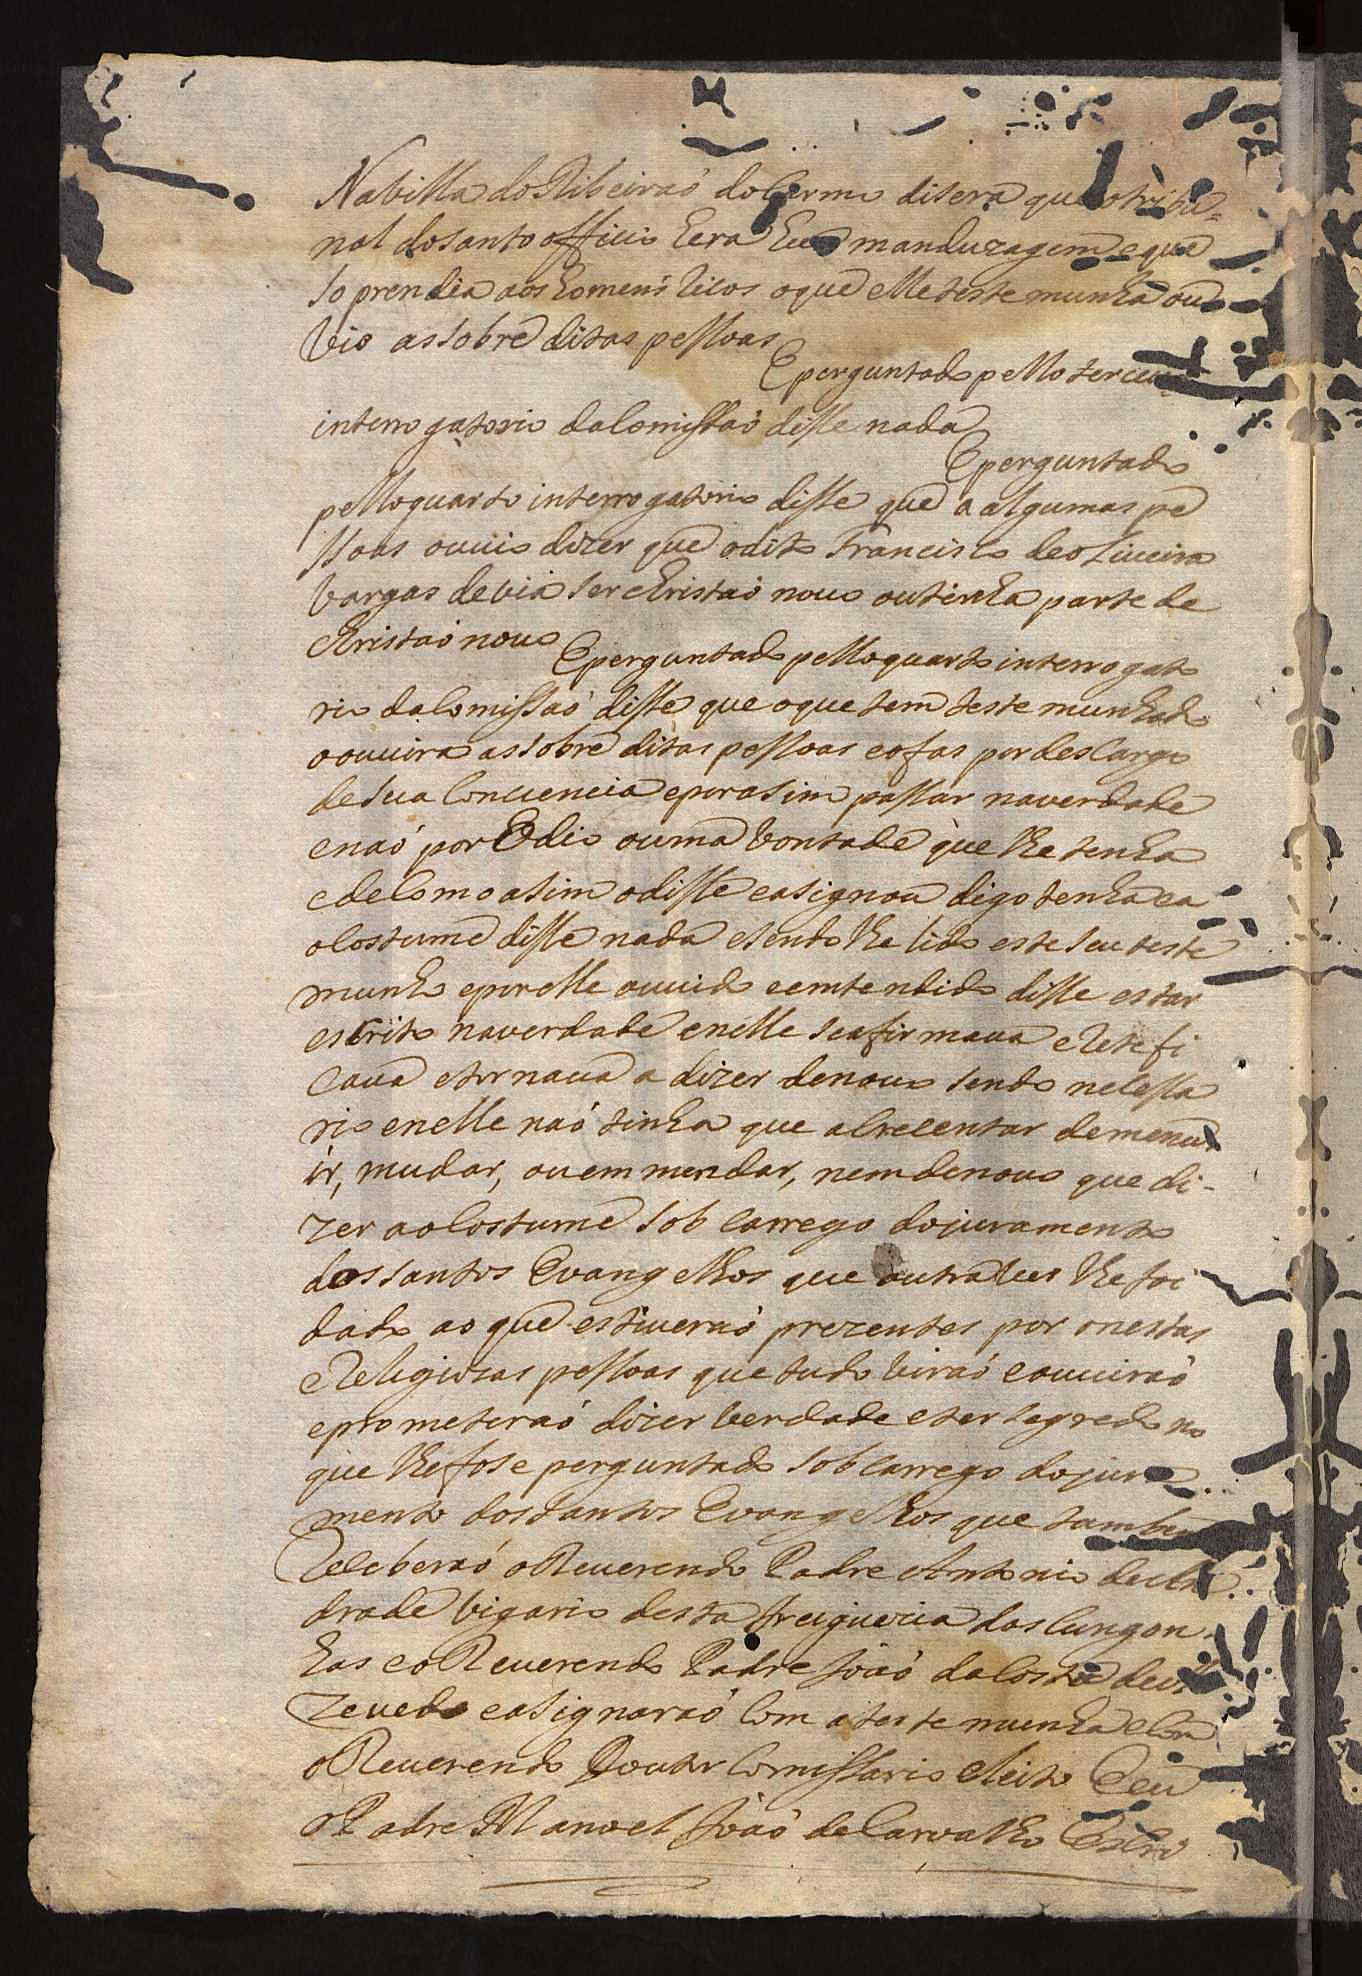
Na villa do Ribeiraõ do Carmo disera que o tribu
nal do santo officio hera hu_ manduzagem e que
so prendia aos homens Ricos o que elle testemunha ou
Vio as sobreditas pessoas
E perguntado pello tercei
interrogatorio da Comissaõ disse nada
E perguntado
pello quarto interrogatorio disse que a algumas pe
ssoas ouuio dizer que o dito Francisco de oLiueira
vargas devia ser christaõ nouo ou tinha parte de
christaõ nouo E perguntado pello quarto interrogato
rio da Comissaõ disse que o que tem testemunhado
o ouuira as sobreditas pessoas e o fas por desCargo
de sua Conciencia e por asim passar na verdade
e naõ por Odio ou ma vontade que lhe tenha
e de Como asim o disse e asignou digo tenha e a
o Costume disse nada e sendolhe lido este seu teste
munho e por elle ouuido e emtendido disse estar
esCrito na verdade e nelle se afirmaua e Retefi
Caua e tornaua a dizer de nouo sendo necessa
rio e nelle naõ tinha que aCrecentar demenu
ir, mudar, ou emmendar, nem de nouo que di
Zer ao costume sob carrego do iuramento
dos santos Evangelhos que outra ves lhe foi
dado ao que estiueraõ prezentes por onestas
e Religiozas pessoas que tudo viraõ e ouuiraõ
e prometeraõ dizer verdade e ter segredo no
que lhe fose perguntado sob carrego do jur
mento dos santos Evangelhos que tambe
Receberaõ o Reuerendo Padre Antonio de An
drade Vigario desta freiguezia dos Cungon
has e o Reuerendo Padre Joaõ da Costa de A
Zeuedo e asignaraõ Com a testemunha e Com
o Reuerendo Doutor Comissario eleito E eu
o Padre Manoel Joaõ de Carvalho EsCri
